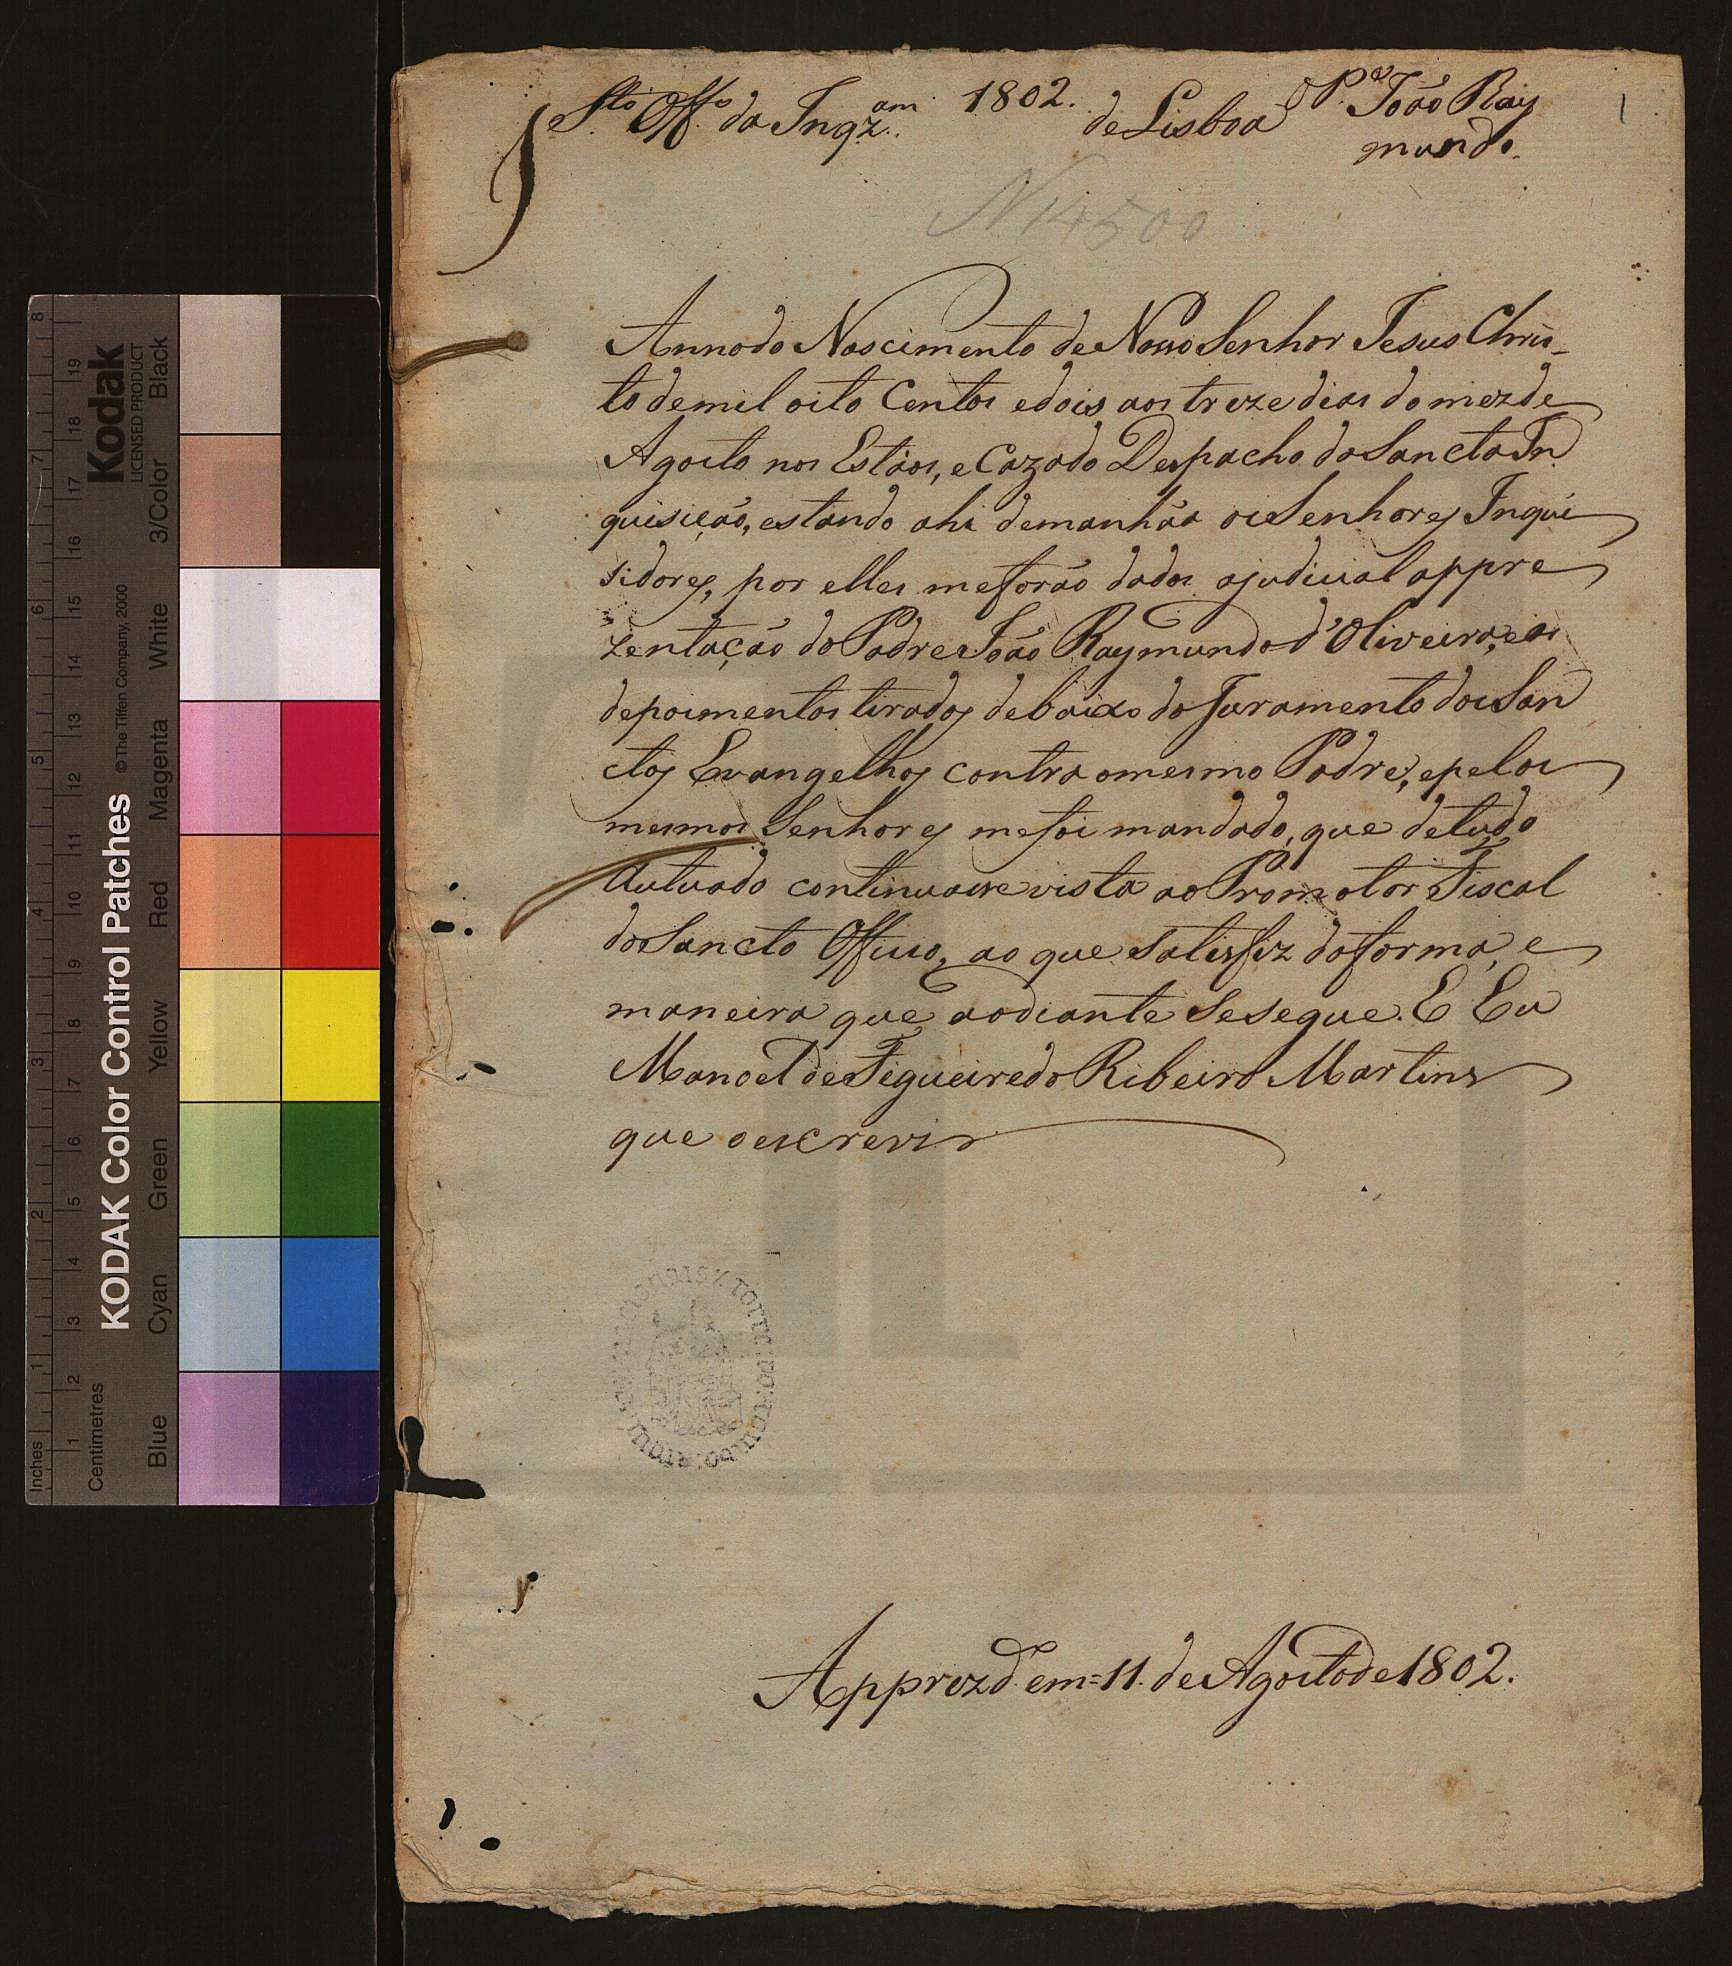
Anno do Nascimento de Nosso Senhor Iesus Chris
to de mil oito Centos e dois aos treze dias do mez de
Agosto nos Estáos, e Caza do Despacho da Sancta In
quisiçaõ, estando ahi de manhãa os Senhores Inqui
sidores, por elles me foraõ dados a judicial appre
zentaçaõ do Padre João Raymundo d’Oliveira, e os
depoimentos tirados debaixo do Juramento dos San
ctos Evangelhos contra o mesmo Padre, e pelos
mesmos Senhores me foi mandado, que de tudo
autuado continuasse vista ao Promotor Fiscal
do Sancto Officio, ao que satisfiz da forma, e
maneira que ao diante se segue. E Eu
Manoel de Figueiredo Ribeiro Martins
que o escrevi
Apprezd.o em 11 de Agosto de 1802.
